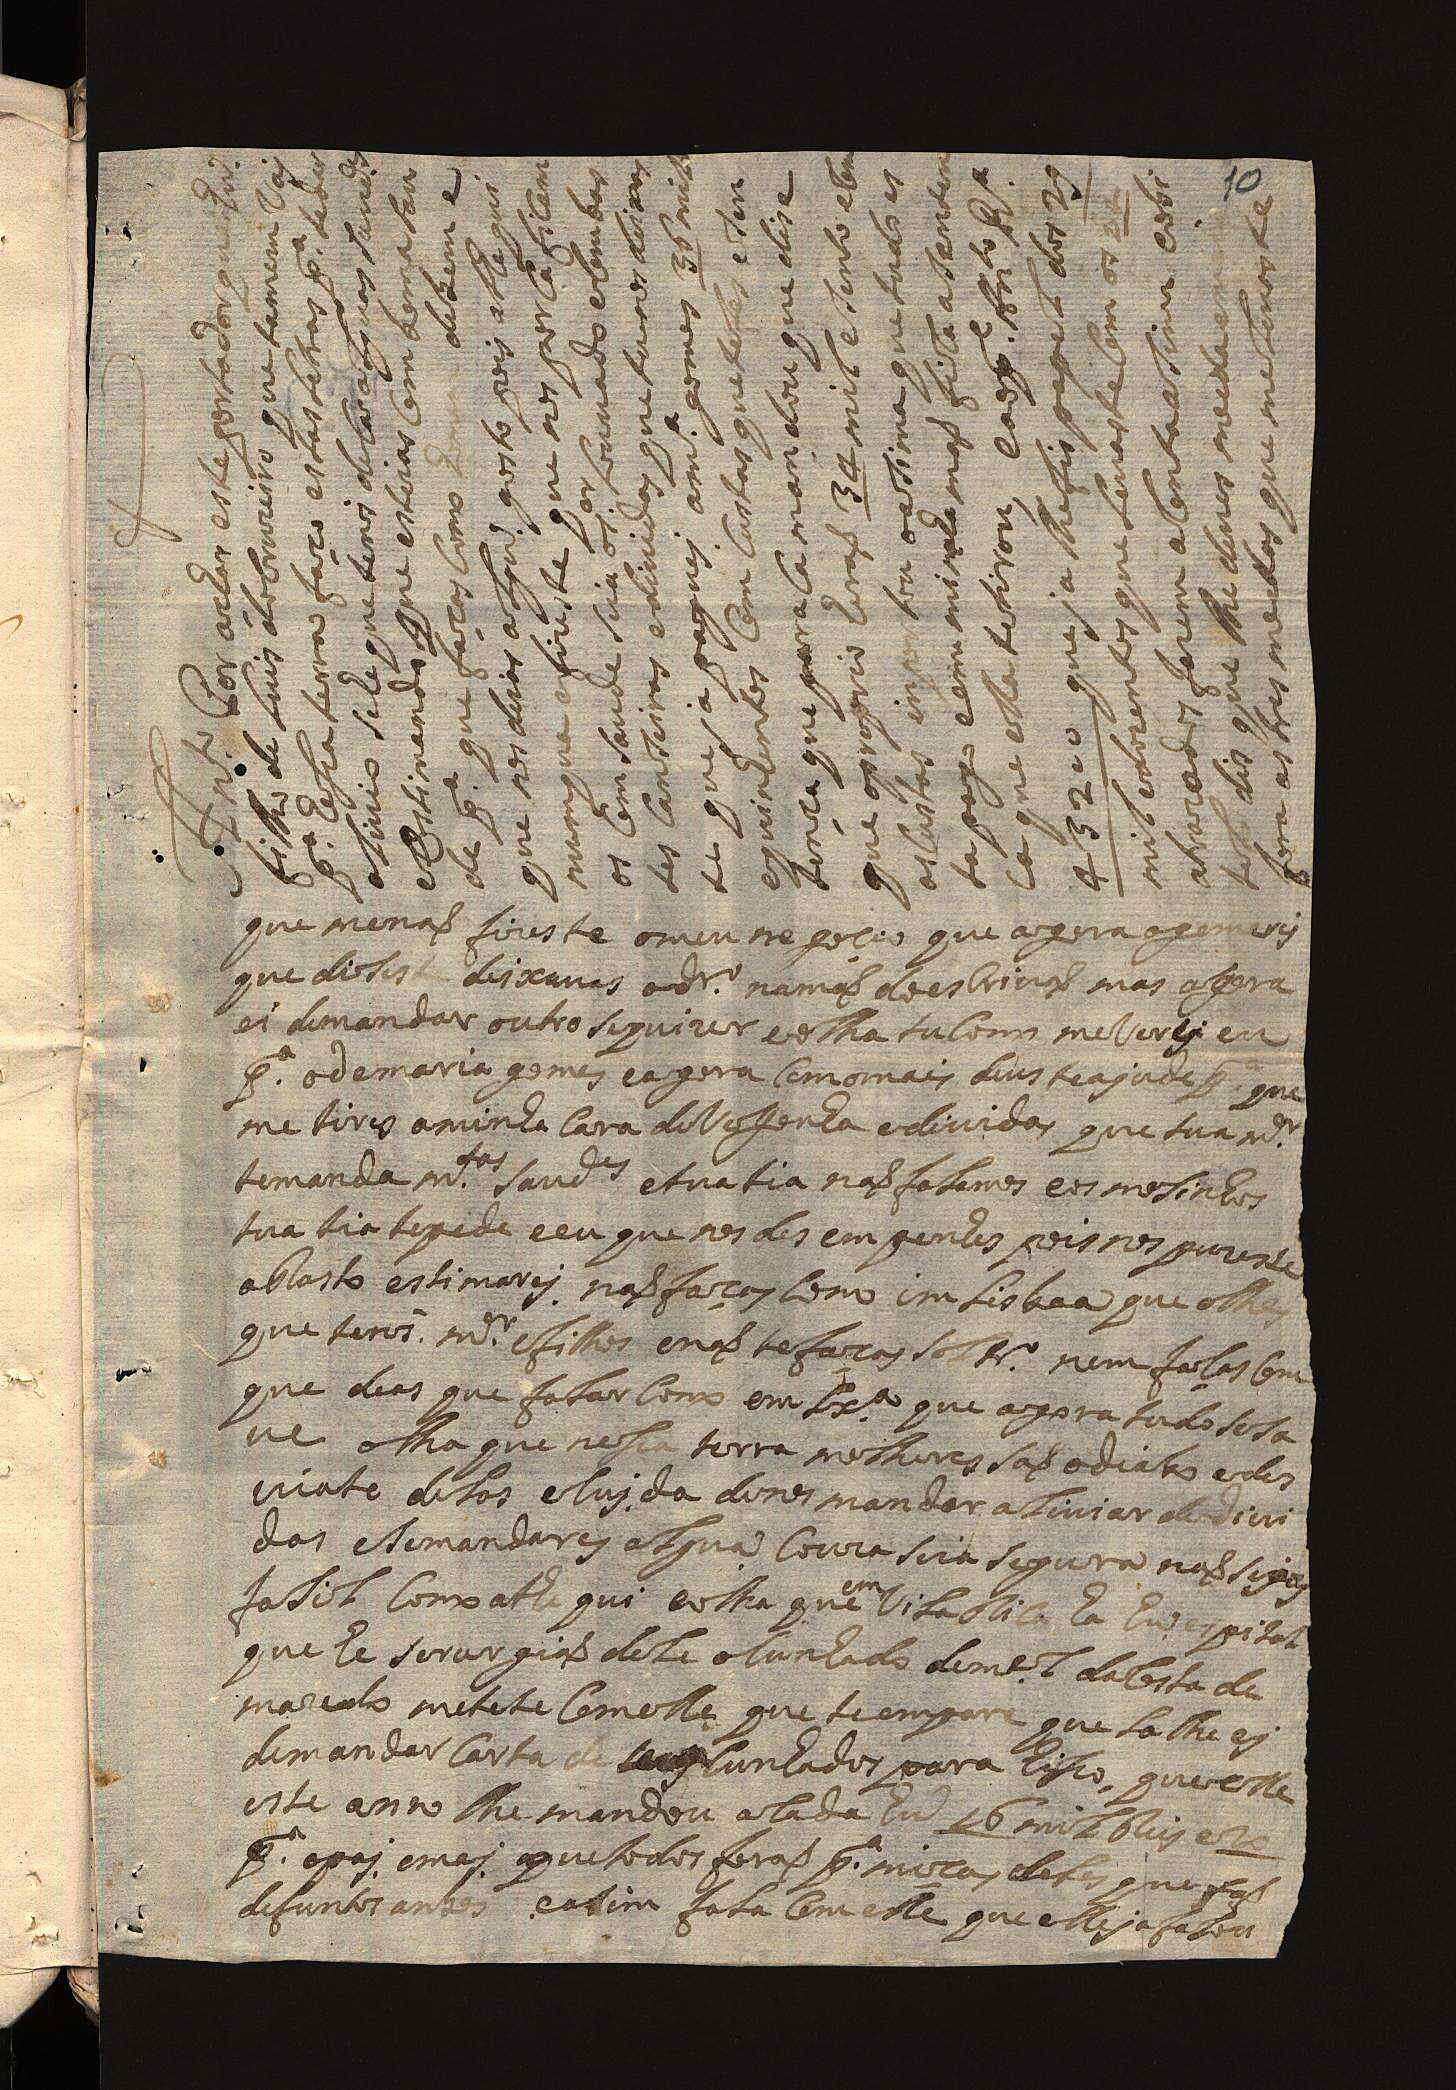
que me naõ fizeste o meu negocio que agora agencerej
que diseste deixanos o dr.o na maõ do esCriuaõ mas agora
ei de mandar outro se quizer e olha tu Como me verej eu
p.a o de maria gomes e agora com o mais deus te ajude p.a que
me tires a minha Cara de Vergonha e diuidas que sua m.er
demanda m.tas saudes e tua tia naõ falamos e os mesinhos
tua tia se pede e eu que nos desempenhes pois nos puzeste
a Rasto estimarej naõ faças como em Lisboa que olhes
que tens̄. m.er e filhos e naõ te faças soltr.o nem faÇas Com
que deas que falar Como em Lx.a que agora tudo se sa
ue olha que nessa terra molheres saõ o diabo e des
uiate delas, e Cujda de nos mandar aliuiar de diui
das, e se mandares alguā Couza seia segura naõ sejas
fasil Como athe qui e olha que em Vila Rica ha hū espital
que he serurgiaõ deLe o Cunhado de m.el da Costa de
macedo metete Com elle que te empare que La lhe ej
de mandar Carta de seus Cunhados para hisso, que elle
este anno lhe mandou a cada hu 16 mil Reis e 20
p.a o paj, e maj, o que todos foraõ p.a miças deles que saõ
defuntos anbos, e asim fala com elle que elle ja falou
